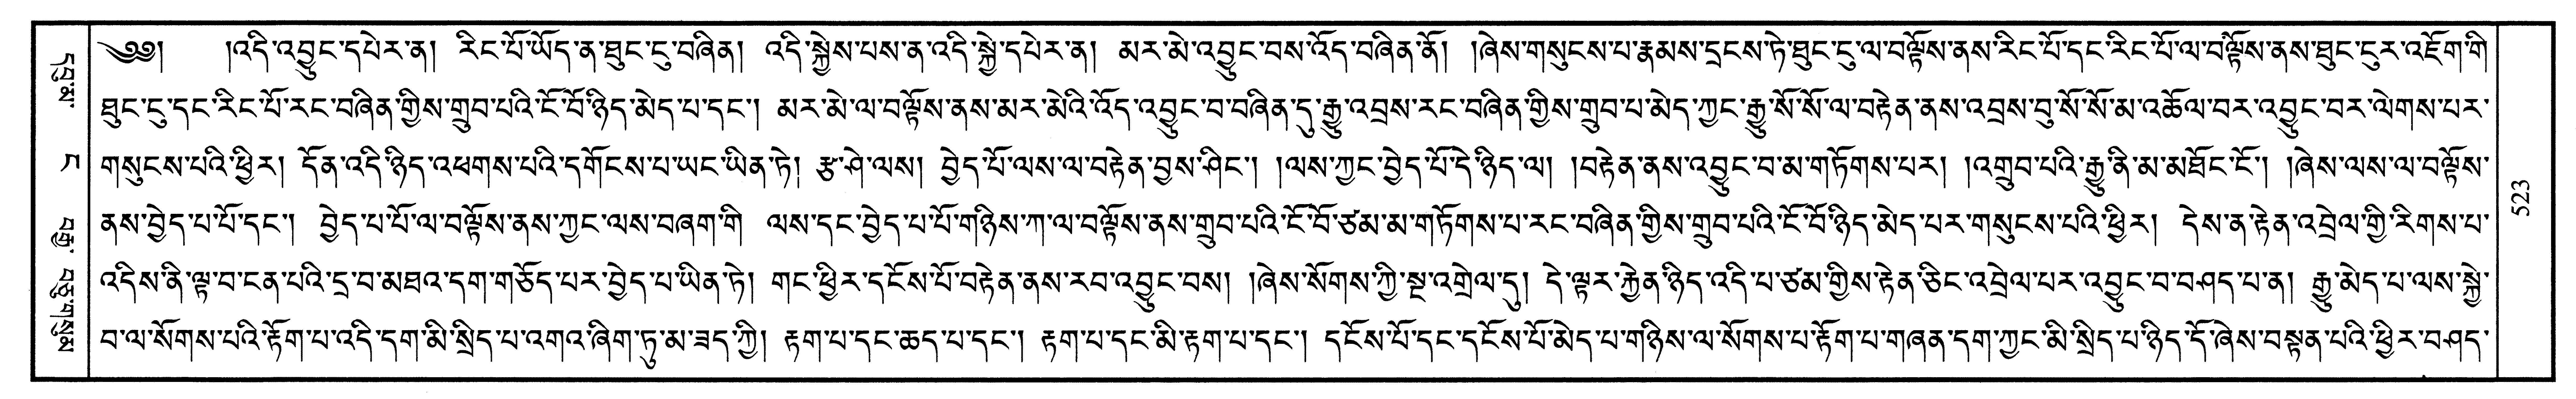༄༅། །འདི་འབྱུང་དཔེར་ན། རིང་པོ་ཡོད་ན་ཐུང་ངུ་བཞིན། འདི་སྐྱེས་པས་ན་འདི་སྐྱེ་དཔེར་ན། མར་མེ་འབྱུང་བས་འོད་བཞིན་ནོ། །ཞེས་གསུངས་པ་རྣམས་དྲངས་ཏེ་ཐུང་ངུ་ལ་བལྟོས་ནས་རིང་པོ་དང་རིང་པོ་ལ་བལྟོས་ནས་ཐུང་ངུར་འཇོག་གི་
ཐུང་ངུ་དང་རིང་པོ་རང་བཞིན་གྱིས་གྲུབ་པའི་ངོ་བོ་ཉིད་མེད་པ་དང་། མར་མེ་ལ་བལྟོས་ནས་མར་མེའི་འོད་འབྱུང་བ་བཞིན་དུ་རྒྱུ་འབྲས་རང་བཞིན་གྱིས་གྲུབ་པ་མེད་ཀྱང་རྒྱུ་སོ་སོ་ལ་བརྟེན་ནས་འབྲས་བུ་སོ་སོ་མ་འཆོལ་བར་འབྱུང་བར་ལེགས་པར་
གསུངས་པའི་ཕྱིར། དོན་འདི་ཉིད་འཕགས་པའི་དགོངས་པ་ཡང་ཡིན་ཏེ། རྩ་ཤེ་ལས། བྱེད་པ་ལས་ལ་བརྟེན་བྱས་ཤིང་། །ལས་ཀྱང་བྱེད་པོ་དེ་ཉིད་ལ། །བརྟེན་ནས་འབྱུང་བ་མ་གཏོགས་པར། །འགྲུབ་པའི་རྒྱུ་ནི་མ་མཐོང་ངོ། །ཞེས་ལས་ལ་བལྟོས་
ནས་བྱེད་པ་པོ་དང་། བྱེད་པ་པོ་ལ་བལྟོས་ནས་ཀྱང་ལས་བཞག་གི་ལས་དང་བྱེད་པ་པོ་གཉིས་ཀ་ལ་བལྟོས་ནས་གྲུབ་པའི་ངོ་བོ་ཙམ་མ་གཏོགས་པ་རང་བཞིན་གྱིས་གྲུབ་པའི་ངོ་བོ་ཉིད་མེད་པར་གསུངས་པའི་ཕྱིར། དེས་ན་རྟེན་འབྲེལ་གྱི་རིགས་པ་
འདིས་ནི་ལྟ་བ་ངན་པའི་དྲ་བ་མཐའ་དག་གཅོད་པར་བྱེད་པ་ཡིན་ཏེ། གང་ཕྱིར་དངོས་པོ་བརྟེན་ནས་རབ་འབྱུང་བས། །ཞེས་སོགས་ཀྱི་སྔ་འགྲེལ་དུ། དེ་ལྟར་རྐྱེན་ཉིད་འདི་པ་ཙམ་གྱིས་རྟེན་ཅིང་འབྲེལ་པར་འབྱུང་བ་བཤད་པ་ན། རྒྱུ་མེད་པ་ལས་སྐྱེ་
བ་ལ་སོགས་པའི་རྟོག་པ་འདི་དག་མི་སྲིད་པ་འགའ་ཞིག་ཏུ་མ་ཟད་ཀྱི། རྟག་པ་དང་ཆད་པ་དང་། རྟག་པ་དང་མི་རྟག་པ་དང་། དངོས་པོ་དང་དངོས་པོ་མེད་པ་གཉིས་ལ་སོགས་པ་རྟོག་པ་གཞན་དག་ཀྱང་མི་སྲིད་པ་ཉིད་དོ་ཞེས་བསྟན་པའི་ཕྱིར་བཤད་